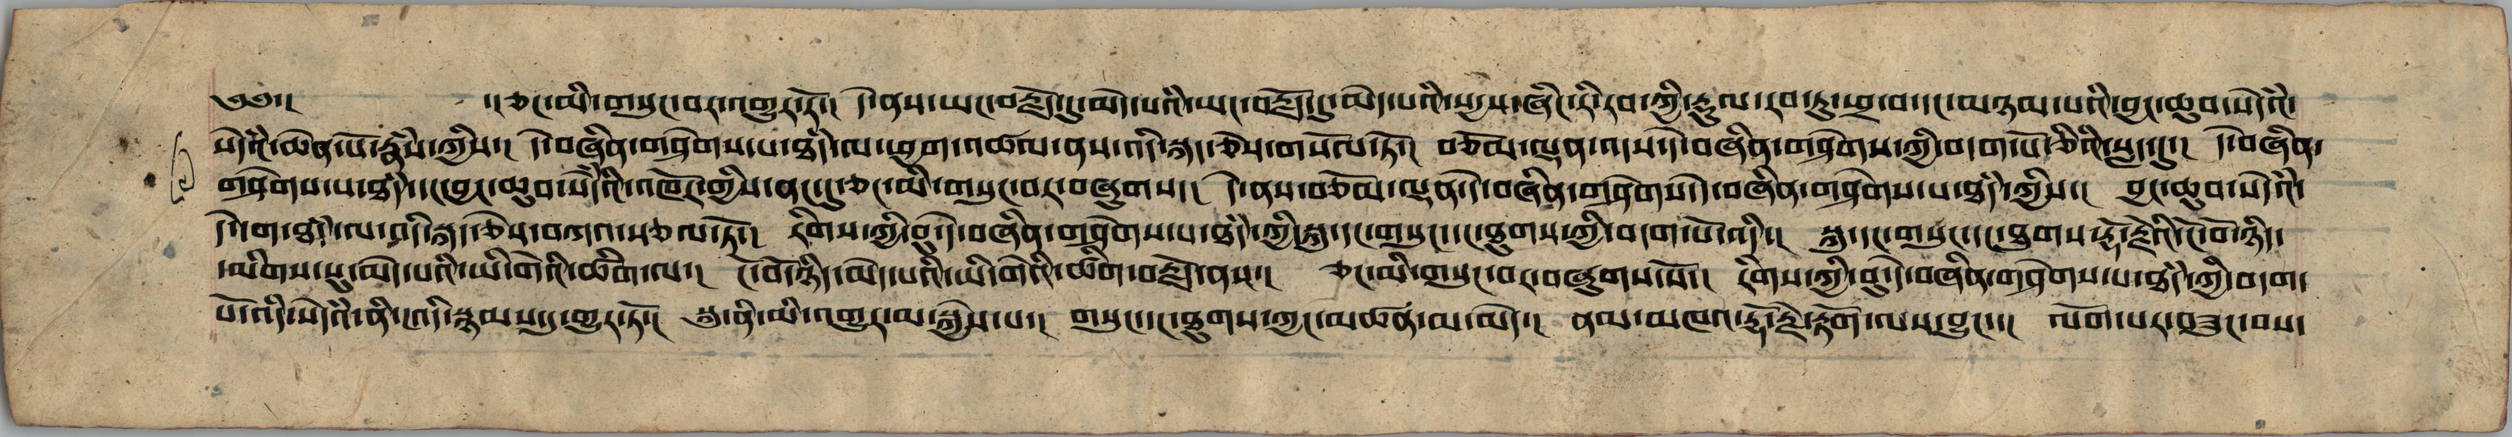༄༅་། ་།ཅང་མི་གསུང་བར་འགྱུར་རོ་། དེ་ནས་ཡང་བརྗོད་དུ་མེད་པའི་ཡང་བརྗོད་དུ་མེད་པའི་སདྱས་ཞིང་རི་རབ་ཀྱི་རྡུལ་རབ་ཏུ་ཕྲ་བ་དང་མཉམ་པའི་བྱང་ཆུབ་སེདཾའ་
སེདཾའ་ཆེན་པོ་རྣཾས་ཀྱིས་། དེ་བཞིན་གཤེགས་པ་ཐཾད་ལ་ཕྱག་འཚལ་ནས་འདི་སྐད་ཅེས་གསོལ་ཏོ་། བཅོམ་ལྡན་འདས་དེ་བཞིན་གཤེགས་ཀྱི་བདག་པོ་ཅིའི་སླད་དུ་། དེ་བཞིན་
གཤེགས་པ་ཐཾད་དང་བྱང་ཆུབ་སེདཾའི་འཁོར་གྱིས་ནང་དུ་ཅང་མི་གསུང་བར་བཞུགས་། དེ་ནས་བཅོམ་ལྡན་དེ་བཞིན་གཤེགས་དེ་བཞིན་གཤེགས་པ་ཐཾད་ཀྱིས་། བྱང་ཆུབ་སེདའཾ་
དེ་དག་ཐཾད་ལ་འདི་སྐད་ཅེས་བཀའ་སྩལ་ཏོ་། རིགས་ཀྱི་བུ་དེ་བཞིན་གཤེགས་པ་ཐཾད་ཀྱི་སྐུ་དང་གསུང་དང་ཐུགས་ཀྱི་བདག་པོ་འདི་། སྐུ་དང་གསུང་དང་ཐུགས་རྡོ་རྗེའི་ངོ་བོ་ཉིད་
དམིགས་སུ་མེད་པའི་ཡི་གེའི་ཚིག་ལ་། ངོ་བོ་ཉིད་མེད་པའི་ཡི་གེའི་ཚིག་བརྗོད་ནས་། ཅང་མི་གསུང་བར་བཞུགས་སོ་། རིགས་ཀྱི་བུ་དེ་བཞིན་གཤེགས་པ་ཐཾད་ཀྱི་བདག་
པོ་འདི་སེདཾའ་ནི་འདི་སྙམས་དུ་གྱུར་ཏོ་། སྐུ་ནི་མི་འགྱུར་མ་སྐྱེས་པ་། གསུང་དང་ཐུགས་ཀྱང་མཚན་མ་མེད་། ནམ་མཁའ་རྡོ་རྗེ་རྟོག་ལས་བྱུང་་། ལོག་པར་བཟུང་བས་